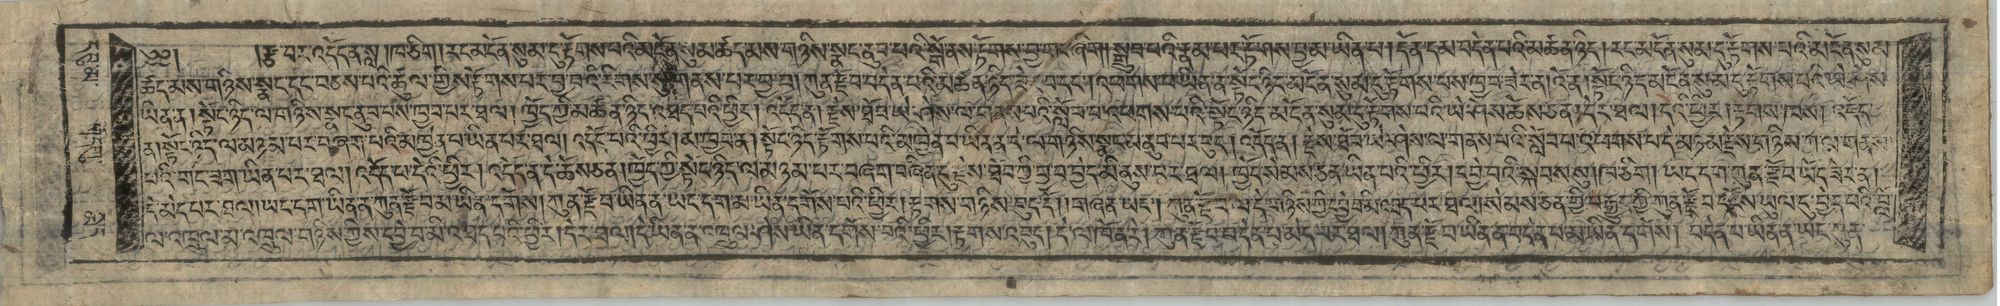༄༅། །རྩ་བར་འདོད་ན་སླ། ཁ་ཅིག །རང་མངོན་སུམ་དུ་རྟོགས་པའི་མངོན་སུམ་ཚད་མས་གཉིས་སྣང་ནུབ་པའི་སྒོ་ནས་རྟོགས་བྱ་གང་ཞིག །སྒྲུབ་པའི་རྣམ་པར་རྟོགས་བྱ་མ་ཡིན་པ། དོན་དམ་བདེན་པའི་མཚན་ཉིད། རང་མངོན་སུམ་དུ་རྟོགས་པའི་མངོན་སུམ་
ཚད་མས་གཉིས་སྣང་དང་བཅས་པའི་ཚུལ་གྱིས་རྟོགས་པར་བྱ་བའི་རིགས་སུ་གནས་པར་བྱ་བ། ཀུན་རྫོབ་བདེན་པའི་མཚན་ཉིད་ཟེར་བ་དང་། འཕགས་པ་ཡིན་ན་སྟོང་ཉིད་མངོན་སུམ་དུ་རྟོགས་པས་ཁྱབ་ཟེར་ན། འོ་ན། སྟོང་ཉིད་མངོན་སུམ་དུ་རྟོགས་པའི་ཡེ་ཤེས་
ཡིན་ན། སྟོང་ཉིད་ལ་གཉིས་སྣང་ནུབ་པས་ཁྱབ་པར་ཐལ། ཁྱོད་ཀྱི་མཚན་ཉིད་འཐད་པའི་ཕྱིར། འདོད་ན། རྗེས་ཐོབ་ཡེ་ཤེས་ལ་གནས་པའི་སློབ་པ་འཕགས་པའི་སྟོང་ཉིད་མངོན་སུམ་དུ་རྟོགས་པའི་ཡེ་ཤེས་ཆོས་ཅན། དེར་ཐལ། དེའི་ཕྱིར། རྟགས་ཁས། འདོད་
ན། སྟོང་ཉིད་ལ་མཉམ་པར་བཞག་པའི་མཁྱེན་པ་ཡིན་པར་ཐལ། འདོད་པའི་ཕྱིར། མ་ཁྱབ་ན། སྟོང་ཉིད་རྟོགས་པའི་མཁྱེན་པ་ཡིན་ན་དེ་ལ་གཉིས་སྣང་མ་ནུབ་པར་བུད། འདོད་ན། རྗེས་ཐོབ་ཡེ་ཤེས་ལ་གནས་པའི་སློབ་པ་འཕགས་པ་དེ་མཉམ་རྗེས་གཉིས་ཀ་ལ་གནས་
པའི་གང་ཟག་ཡིན་པར་ཐལ། འདོད་པ་དེའི་ཕྱིར། འདོད་ན་དེ་ཆོས་ཅན། ཁྱོད་ཀྱིས་སྟོང་ཉིད་ལ་མཉམ་པར་བཞག་བཞིན་དུ་རྗེས་ཐོབ་ཀྱི་བྱ་བ་བྱེད་མི་ནུས་པར་ཐལ། ཁྱོད་སེམས་ཅན་ཡིན་པའི་ཕྱིར། དབྱེ་བའི་སྐབས་སུ། ཁ་ཅིག །ཡང་དག་ཀུན་རྫོབ་ཡོད་ཟེར་ན།
དེ་མེད་པར་ཐལ། ཡང་དག་ཡིན་ན་ཀུན་རྫོབ་མ་ཡིན་དགོས། ཀུན་རྫོབ་ཡིན་ན་ཡང་དག་མ་ཡིན་དགོས་པའི་ཕྱིར། རྟགས་གཉིས་བུད་དོ། །གཞན་ཡང་། ཀུན་རྫོབ་ལ་དེ་གཉིས་ཀྱི་དབྱེ་བ་མི་འཐད་པར་ཐལ། སེམས་ཅན་གྱི་རྒྱུད་ཀྱི་ཀུན་རྫོབ་དངོས་ཡུལ་དུ་བྱེད་པའི་བློ་
ལ་འཁྲུལ་མ་འཁྲུལ་གཉིས་ཀྱི་དབྱེ་བ་མི་འཐད་པའི་ཕྱིར། དེར་ཐལ། དེ་ཡིན་ན་འཁྲུལ་ཤེས་ཡིན་དགོས་པའི་ཕྱིར། རྟགས་འབུད། དེ་ལ་ཁོ་ན་རེ། ཀུན་རྫོབ་བདེན་པ་མེད་པར་ཐལ། ཀུན་རྫོབ་ཡིན་ན་བདེན་པ་མ་ཡིན་དགོས། བདེན་པ་ཡིན་ན་ཡང་ཀུན་